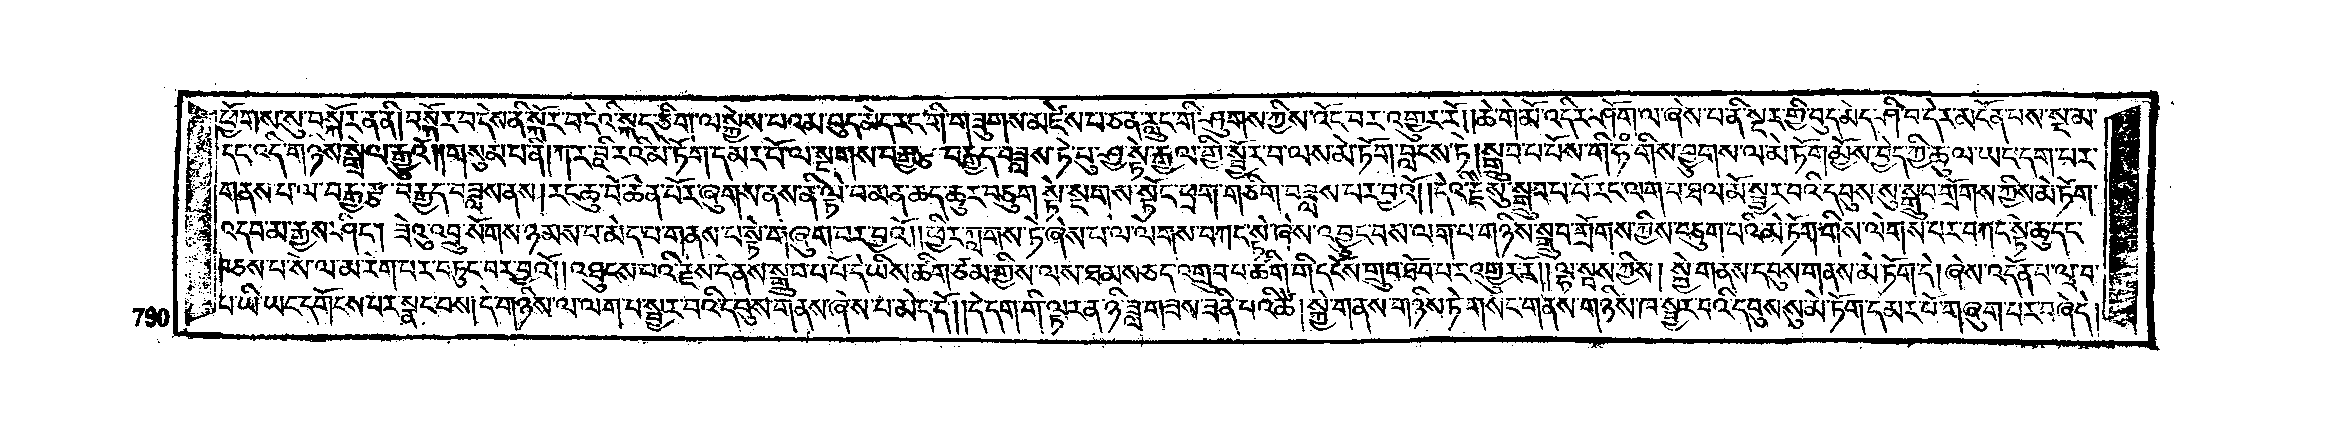ཕྱོགས་སུ་བསྐོར་ན་ནི། བསྐོར་བ་དེས་ནི་སྐོར་བ་དེའི་སྐད་ཅིག་ལ་སྐྱེས་པའམ་བུད་མེད་རང་གི་གཟུགས་མཛེས་པ་ཅན་རླུང་གི་ཤུགས་ཀྱིས་འོང་བར་འགྱུར་རོ། །ཆེ་གེ་མོ་འདིར་ཤོག་ལ་ཞེས་པ་ནི་སྔར་གྱི་བུད་མེད་ཤི་བ་དེར་མངོན་པས་སྔ་མ་
དང་འདི་གཉིས་སྒྲོལ་རྒྱུའོ། །གསུམ་པ་ནི། ཀ་ར་བཱི་རའི་མེ་ཏོག་དམར་པོ་ལ་སྔགས་བརྒྱ་རྩ་བརྒྱད་བཟླས་ཏེ་པུ་ཤྱ་སྟེ་རྒྱལ་གྱི་སྦྱོར་བ་ལས་མེ་ཏོག་བླངས་ཏེ། སྒྲུབ་པ་པོས་གི་ཧཾ་གིས་བྱུགས་ལ་མེ་ཏོག་མྱོས་བྱེད་ཀྱི་ཆུ་ལ་ཡང་དག་པར་
གནས་པ་ལ་བརྒྱ་རྩ་བརྒྱད་བཟླས་ནས། རང་ཆུ་བོ་ཆེན་པོར་ཞུགས་ནས་ནི་ལྟེ་བ་མན་ཆད་ཚུར་བཅུག་སྟེ་སྔགས་སྟོང་ཕྲག་གཅིག་བཟླས་པར་བྱའོ། །དེའི་རྗེས་སུ་སྒྲུབ་པ་པོ་རང་ལག་པ་ཐལ་མོ་སྦྱར་བའི་དབུས་སུ་སྒྲུབ་གྲོགས་ཀྱིས་མེ་ཏོག་
འདབ་མ་རྒྱས་ཤིང་། ཟེའུ་འབྲུ་སོགས་ཉམས་པ་མེད་པ་གནས་པ་སྟེ་གཞུག་པར་བྱའོ། །ཕྱིར་ཀླགས་ཏེ་ཞེས་པ་ལ་ལེགས་བཀང་སྟེ་ཞེས་འབྱུང་བས་ལག་པ་གཉིས་སྒྲུབ་གྲོགས་ཀྱིས་བཅུག་པའི་མེ་ཏོག་གིས་ལེགས་པར་བཀང་སྟེ་ཆུ་དང་
བཅས་པ་སེ་ལ་མ་རེག་པར་བཏུང་བར་བྱའོ། །འཐུངས་པའི་རྗེས་དེ་ནས་སྒྲུབ་པ་པོ་དེ་ཡིས་ཚིག་ཙམ་གྱིས་ལས་ཐམས་ཅད་འགྲུབ་པ་ཚིག་གི་དངོས་གྲུབ་ཐོབ་པར་འགྱུར་རོ། །ལྷ་སྦས་ཀྱིས། སྐྱེ་གནས་དབུས་གནས་མེ་ཏོག་དེ། ཞེས་འདོན་པ་ལྭ་བ་
པ་ཡི་ཡང་དགོངས་པར་སྣང་བས། དེ་གཉིས་ལ་ལག་པ་སྦྱར་བའི་དབུས་གནས་ཞེས་པ་མེད་དོ། །དེ་དག་གི་ལྟར་ན་ཉི་ཟླ་གཟས་ཟིན་པའི་ཚེ། སྐྱེ་གནས་གཉིས་ཏེ་གསང་གནས་གཉིས་ཁ་སྦྱར་བའི་དབུས་སུ་མེ་ཏོག་དམར་པོ་གཞུག་པར་བཞེད་དེ།